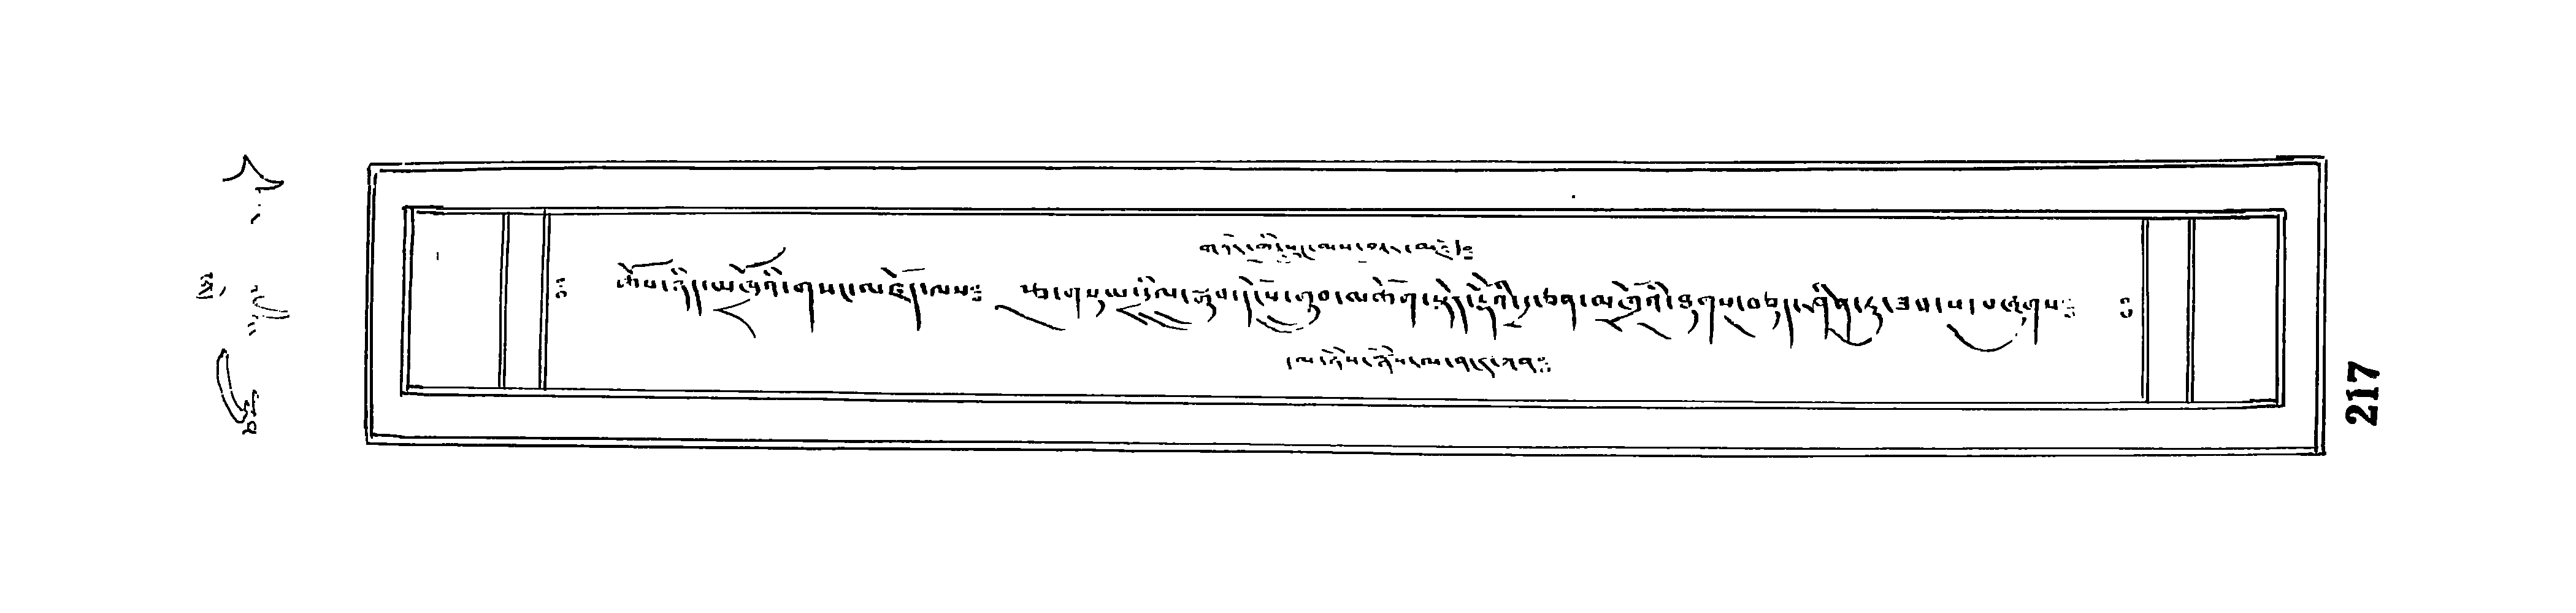གཏེར་གྱི་སྲུང་མས་བྱ་ར་མཛད༔ 
ཆོས་ཉིད་མཁའ་འགྲོའི་གསང་མཛོད་ལས༔ རྩ་གསུམ་དྲིལ་སྒྲུབ་དངོས་གྲུབ་མཆོག་སྟེར་རྡོ་རྗེའི་རྒྱ་ཅན་མཁའ་འགྲོའི་ཐུགས་བཅུད་ཤིན་ཏུ་ཟབ་པ་བཞུགས༔ 
དམ་ཉམས་རྣམས་ལ་ན་ར་ཀན༔